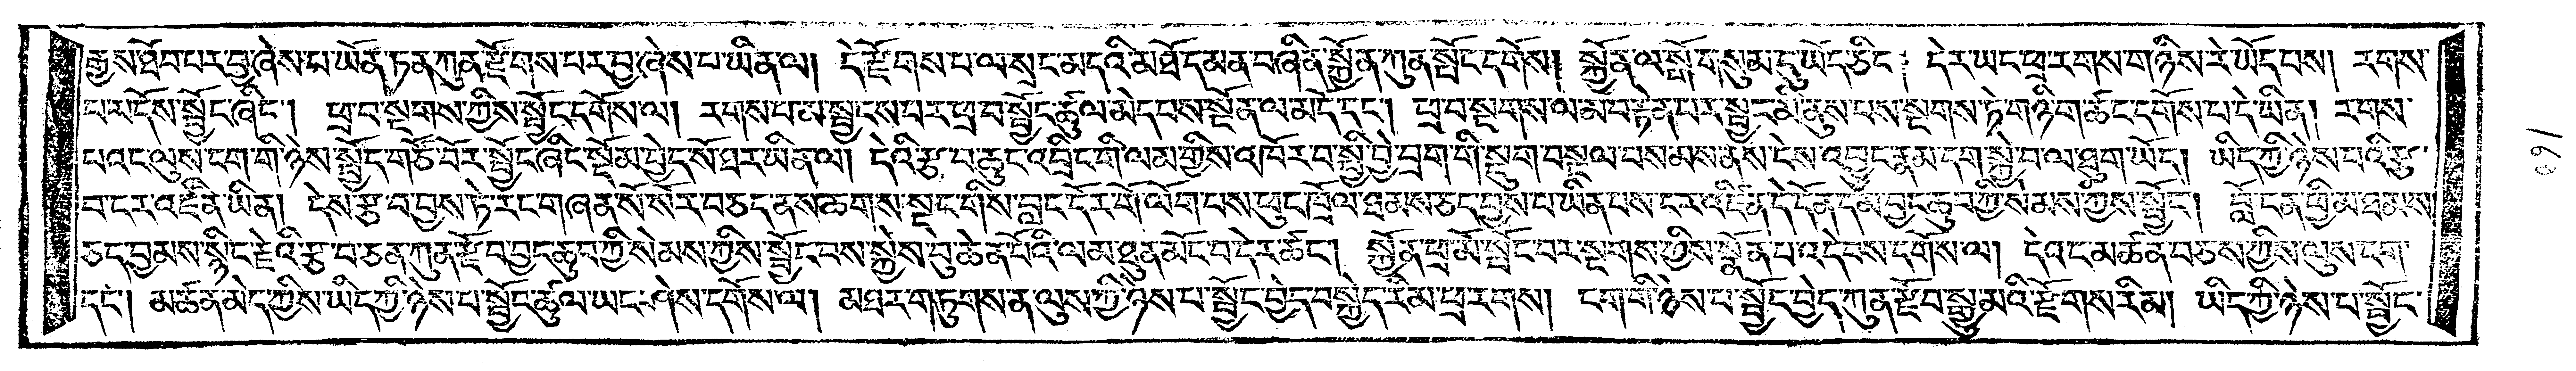རྒྱས་ཐོབ་པར་བྱ་ཞེས་པ་ཡོན་ཏན་ཀུན་རྫོགས་པར་བྱ་ཞེས་པ་ཡིན་ལ། དེ་རྫོགས་པ་ལ་སྲང་མདའི་མཐོད་མན་བཞིན་སྐྱོན་ཀུན་སྤོང་དགོས། སྐྱོན་ལ་སྒོ་གསུམ་དུ་ཡོད་ཅིང་། དེར་ཡང་ཕྲ་རགས་གཉིས་རེ་ཡོད་བས། རགས་
པ་མདོས་སྦྱོང་ཞིང་། ཕྲ་བ་སྔགས་ཀྱིས་སྦྱོང་དགོས་ལ། རགས་པ་མ་སྦྱངས་པར་དྲ་བ་སྦྱོད་ཚུལ་མེད་བས་སྔོན་ལ་མདོ་དང་། ཕྲ་བ་སྔགས་ལ་མ་བརྟེན་པར་སྦྱར་མི་ནུས་པས་སྔགས་ཏེ་གཉིག་ཚང་དགོས་པ་དེ་ཡིན། རགས་
པའང་ལུས་ངག་གི་ཉེས་སྤྱོད་གཙོ་བོར་སྦྱོང་ཞིང་སྡོམ་བྱེད་སོ་ཐར་ཡིན་ལ། དེའི་རྩ་བ་ཆུང་འབྲིང་ག་ལམ་གྱིས་འཁོར་བ་སྤྱི་བྱེ་བྲག་གི་སྡུག་བསྔལ་བསམས་ནས་ངེས་འབྱུང་རྣམ་དག་སྐྱེ་བ་ལ་ཐུག་ཡོད། ཡིད་ཀྱི་ཉེས་པའི་རྩ་
བ་ངར་འཛིན་ཡིན། དེས་རྩ་བ་བྱས་ཏེ་རང་གཞན་སོ་སོར་བཅད་ནས་ཆགས་སྡང་གིས་བླང་དོར་གོ་ལོག་པས་ཕུང་ཁྲོལ་ཐམས་ཅད་བྱས་པ་ཡིན་པས་ངར་འཛིན་དེ་དོན་དམ་བྱང་ཆུབ་ཀྱི་སེམས་ཀྱིས་སྦྱོང་། བློ་ངན་ཕྱི་མ་ཐམས་
ཅད་བྱམས་སྙིང་རྗེའི་རྩ་བ་ཅན་ཀུན་རྫོག་བྱང་ཆུབ་ཀྱི་སེམས་ཀྱིས་སྦྱོང་བས་སྐྱེས་བུ་ཆེན་བོའི་ལམ་ཐུན་མོང་བ་དེར་ཚང་། སྐྱོན་ཕྲ་མོ་སྤོང་བར་སྔགས་ཀྱིས་སྣོན་པ་འདེབས་དགོས་ལ། དེའང་མཚན་བཅས་ཀྱིས་ལུས་ངག་
དང་། མཚན་མེད་ཀྱིས་ཡིད་ཀྱི་ཉེས་པ་སྦྱོང་ཚུལ་ཡང་ཤེས་དགོས་ལ། མཐར་གཏུགས་ན་ལུས་ཀྱི་ཉེས་པ་སྦྱོས་བྱེད་བསྐྱེད་རིམ་ཕྲ་རགས། ངག་གི་ཉེས་པ་སྦྱོང་བྱེད་ཀུན་རྫོབ་སྒྱུ་མའི་རྫོགས་རིམ། ཡིད་ཀྱི་ཉེས་པ་སྦྱོང་